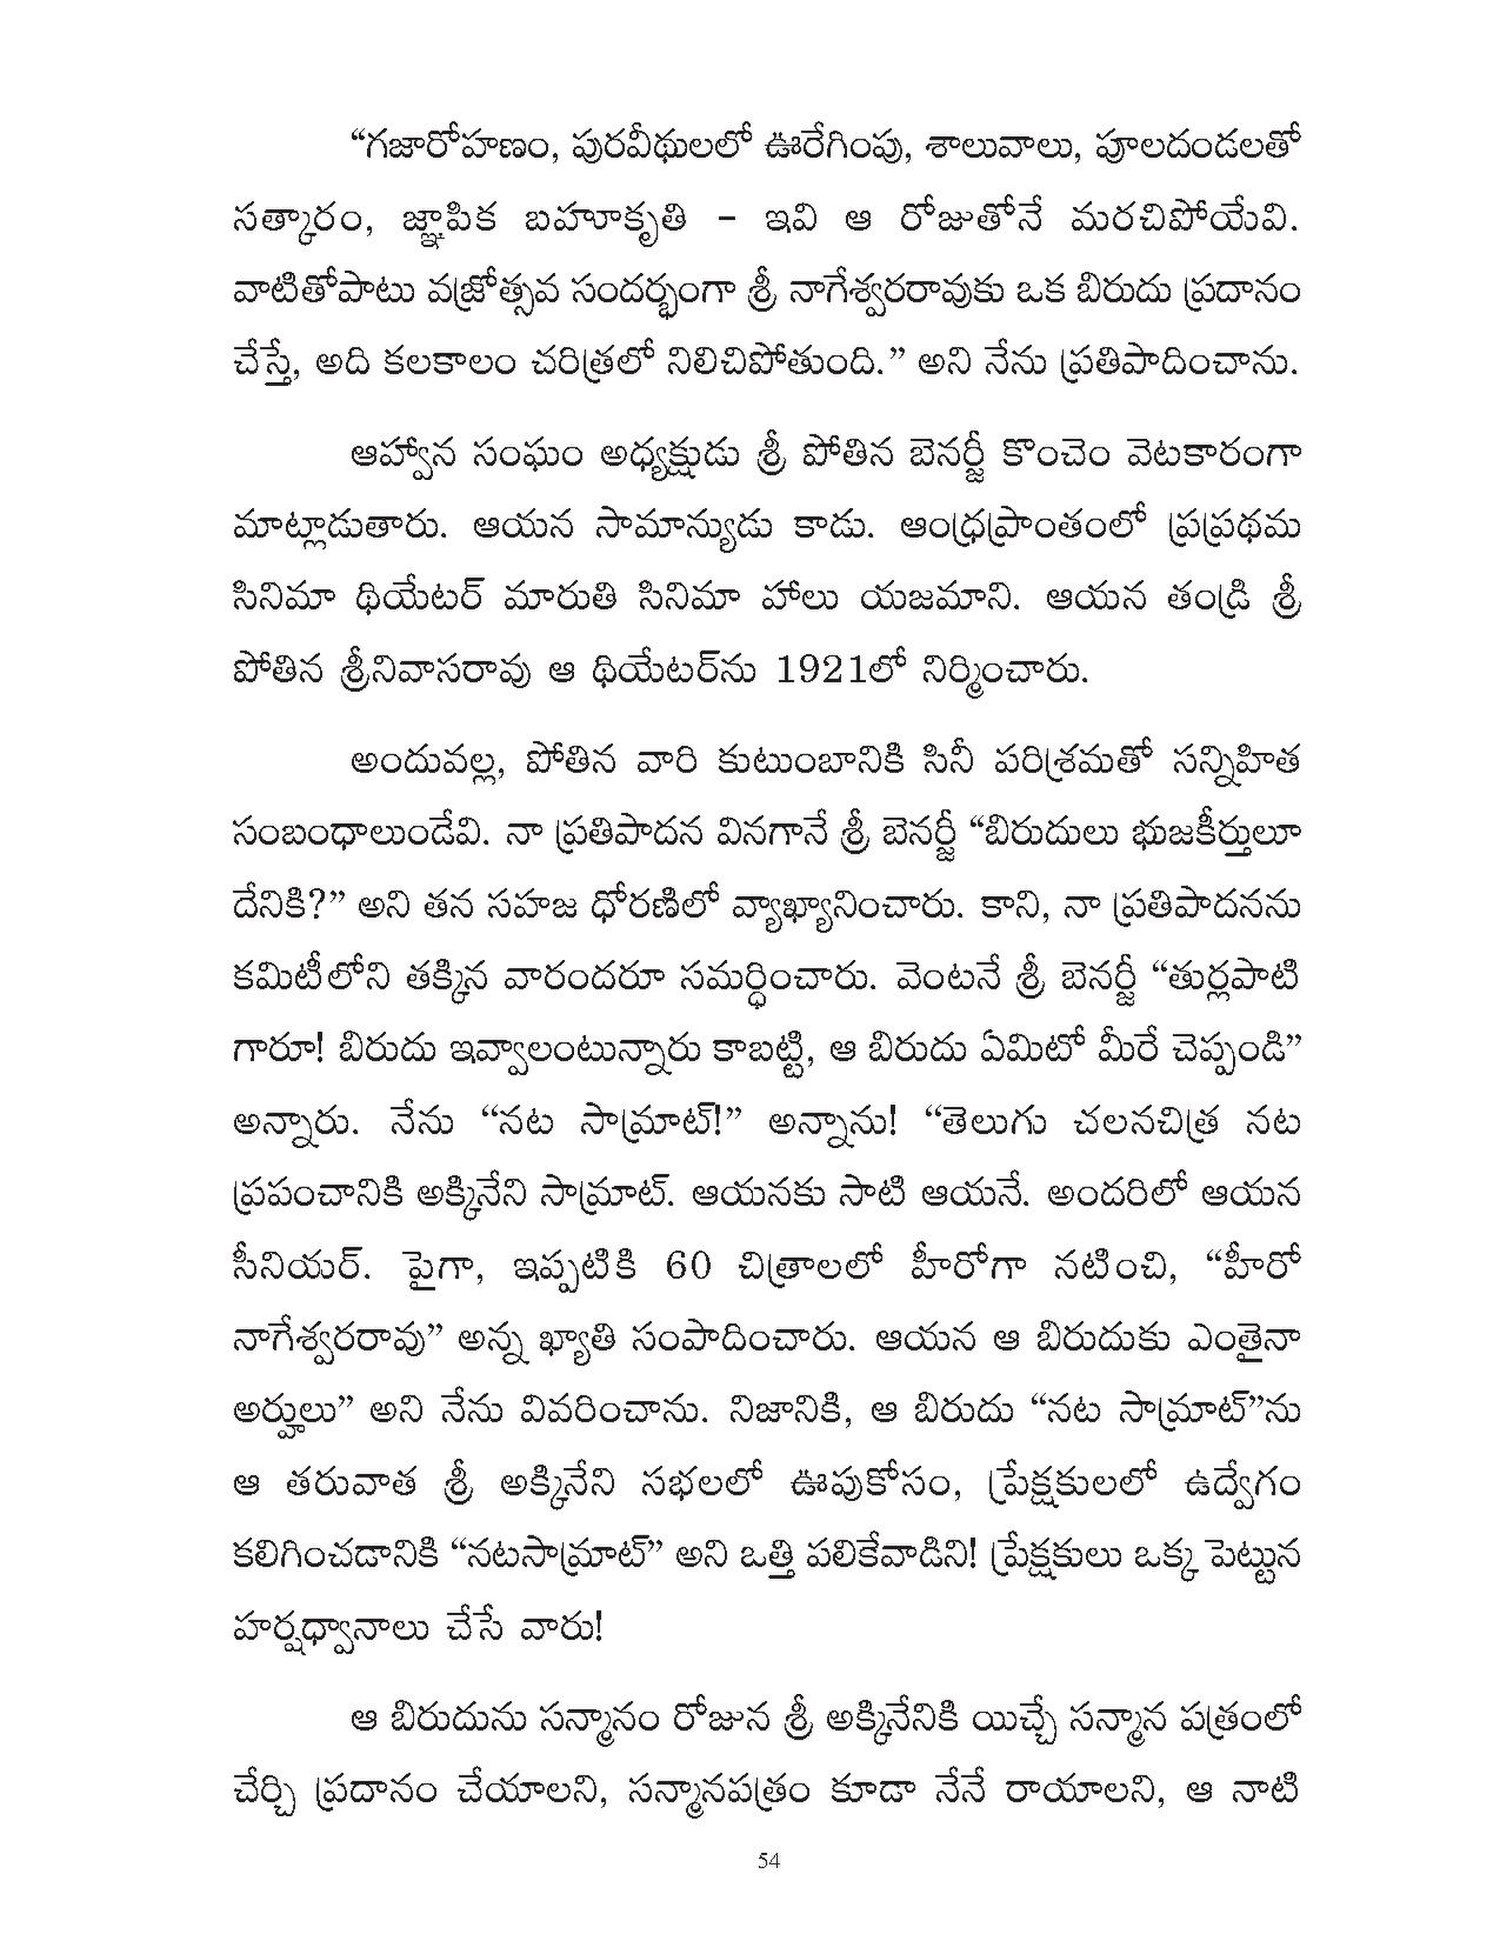"గజారోహణం, పురవీథులలో ఊరేగింపు, శాలువాలు, పూలదండలతో
సత్కారం, జ్ఞాపిక బహూకృతి - ఇవి ఆ రోజుతోనే మరచిపోయేవి.
వాటితోపాటు వజ్రోత్సవ సందర్భంగా శ్రీ నాగేశ్వరరావుకు ఒక బిరుదు ప్రదానం
చేస్తే, అది కలకాలం చరిత్రలో నిలిచిపోతుంది." అని నేను ప్రతిపాదించాను.

ఆహ్వాన సంఘం అధ్యక్షుడు శ్రీ పోతిన బెనర్జీ కొంచెం వెటకారంగా
మాట్లాడుతారు. ఆయన సామాన్యుడు కాడు. ఆంధ్రప్రాంతంలో ప్రప్రథమ
సినిమా థియేటర్‌ మారుతి సినిమా హాలు యజమాని. ఆయన తండ్రి శ్రీ
పోతిన శ్రీనివాసరావు ఆ థియేటర్‌ను 1921లో నిర్మించారు.

అందువల్ల, పోతిన వారి కుటుంబానికి సినీ పరిశ్రమతో సన్నిహిత
సంబంధాలుండేవి. నా ప్రతిపాదన వినగానే శ్రీ బెనర్జీ "బిరుదులు భుజకీర్తులూ
దేనికి?" అని తన సహజ ధోరణిలో వ్యాఖ్యానించారు. కాని, నా ప్రతిపాదనను
కమిటీలోని తక్కిన వారందరూ సమర్ధించారు. వెంటనే శ్రీ బెనర్జీ "తుర్లపాటి
గారూ! బిరుదు ఇవ్వాలంటున్నారు కాబట్టి, ఆ బిరుదు ఏమిటో మీరే చెప్పండి"
అన్నారు. నేను "నట సామ్రాట్‌!" అన్నాను! "తెలుగు చలనచిత్ర నట
ప్రపంచానికి అక్కినేని సామ్రాట్‌. ఆయనకు సాటి ఆయనే. అందరిలో ఆయన
సీనియర్‌. పైగా, ఇప్పటికి 60 చిత్రాలలో హీరోగా నటించి, "హీరో
నాగేశ్వరరావు" అన్న ఖ్యాతి సంపాదించారు. ఆయన ఆ బిరుదుకు ఎంతైనా
అర్హులు" అని నేను వివరించాను. నిజానికి, ఆ బిరుదు "నట సామ్రాట్‌"ను
ఆ తరువాత శ్రీ అక్కినేని సభలలో ఊపుకోసం, ప్రేక్షకులలో ఉద్వేగం
కలిగించడానికి "నటసామ్రాట్‌" అని ఒత్తి పలికేవాడిని! ప్రేక్షకులు ఒక్క పెట్టున
హర్షధ్వానాలు చేసే వారు!

ఆ బిరుదును సన్మానం రోజున శ్రీ అక్కినేనికి యిచ్చే సన్మాన పత్రంలో
చేర్చి ప్రదానం చేయాలని, సన్మానపత్రం కూడా నేనే రాయాలని, ఆ నాటి